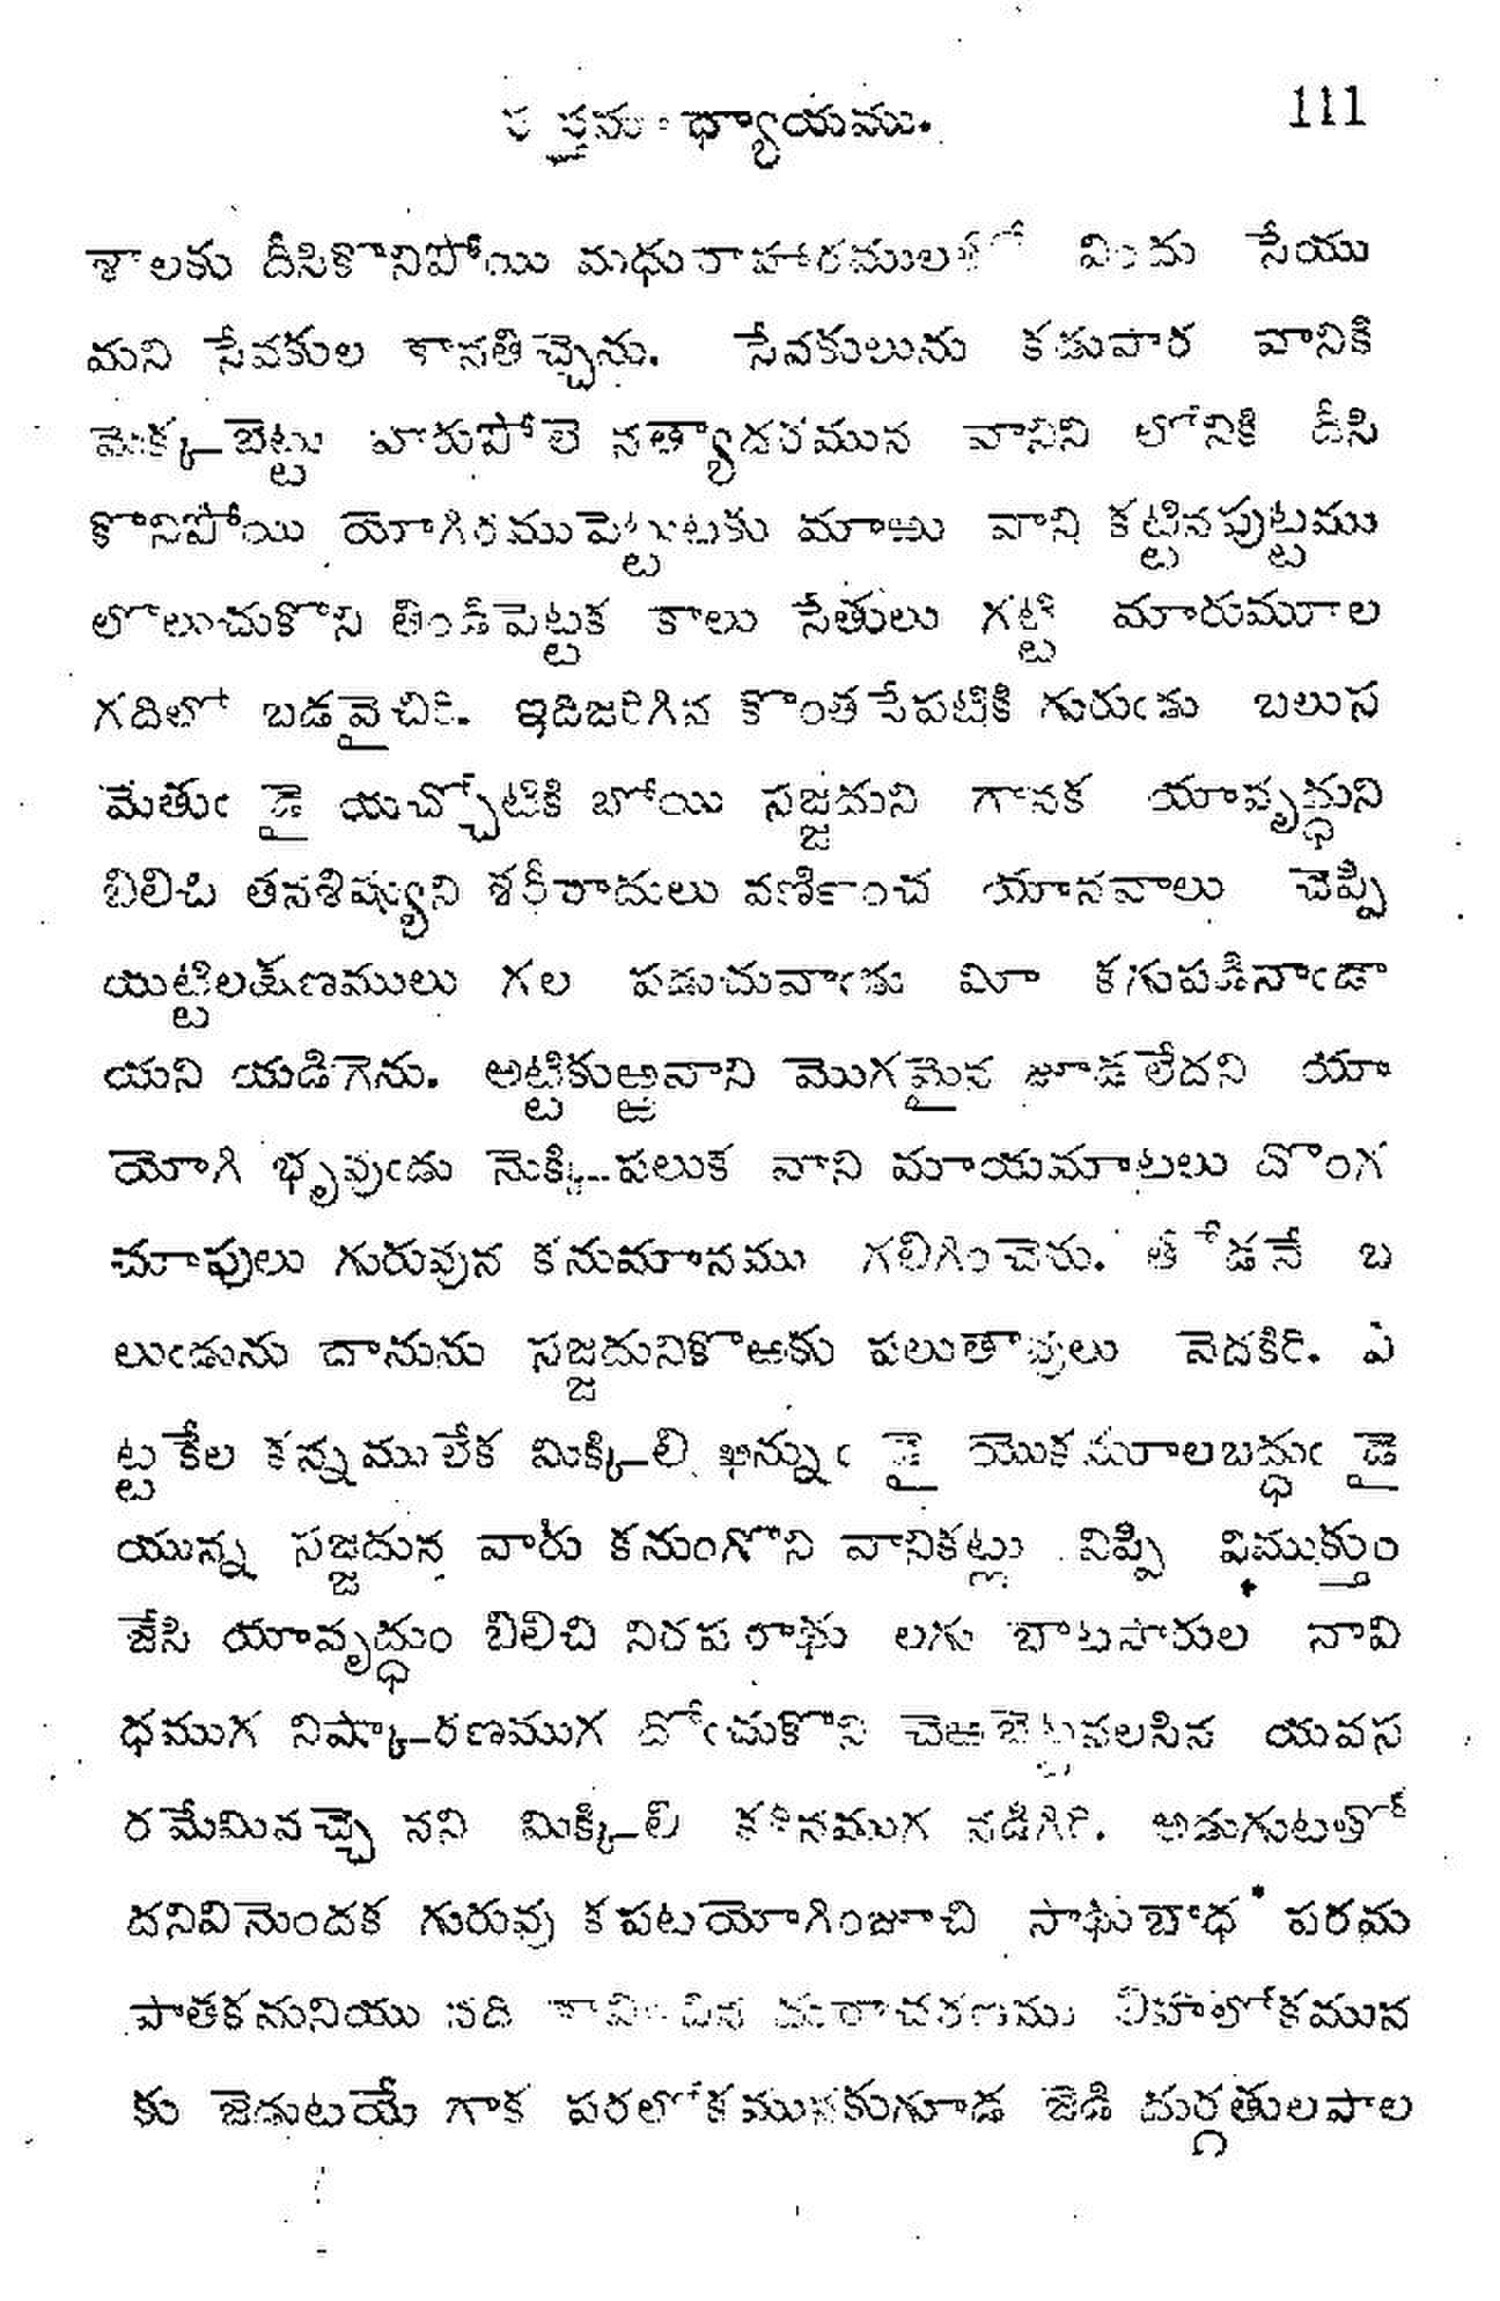శాలకు దీసికొనిపోయి మధురాహారములతో విందు సేయుమని సేవకుల కానతిచ్చెను. సేవకులును కడుపార వానికి మెక్కబెట్టు వారుపోలె సత్యాదరమున వానిని లోనికి దీసికొనిపోయి యోగిరముపెట్టుటకు మాఱు వాని కట్టినపుట్టము లొలుచుకొని తిండిపెట్టక కాలు సేతులు గట్టి మారుమూల గదిలో బడవైచిరి. ఇదిజరిగిన కొంతసేపటికి గురుడు బలుసమేతుడై యచ్చోటికి బోయి సజ్జదుని గానక యావృద్ధుని బిలిచి తనశిష్యుని శరీరాదులు వణిన్ంచ యానవాలు చెప్పి యట్టిలక్షణములు గల పడుచువాడు మీ కగుపడినాడా యని యడిగెను. అట్టికుఱ్ఱవాని మొగమైన జూడలేదని యా యోగి భృవుడు నొక్కిపలుక వాని మాయమాటలు దొంగచూపులు గురువున కనుమానము గలిగించెను. తోడనే బలుడును దానును సజ్జదునికొఱకు పలుతావులు వెదకిరి. ఎట్టకేల కన్నములేక మిక్కిలి ఖిన్నుడై యొకమూలబద్ధుడై యున్న సజ్జదున వారు కనుంగొని వానికట్లు విప్పి విముక్తంజేసి యావృద్ధుం బిలిచి నిరపరాథు లగు బాటసారుల నావిధముగ నిష్కారణముగ దోచుకొని చెఱబెట్టవలసిన యవసరమేమివచ్చినని మిక్కిలి కఠినముగ నడిగిరి. అడగుటతో దనివినొందక గురువు కపటయోగింజూచి సాథుబాధ పరమపాతకమనియు నది కావించిన దురాచరణము లిహలోకమునకు జెడుటయే గాక పరలోకమునకుగూడ జెడి దుర్గతులపాల